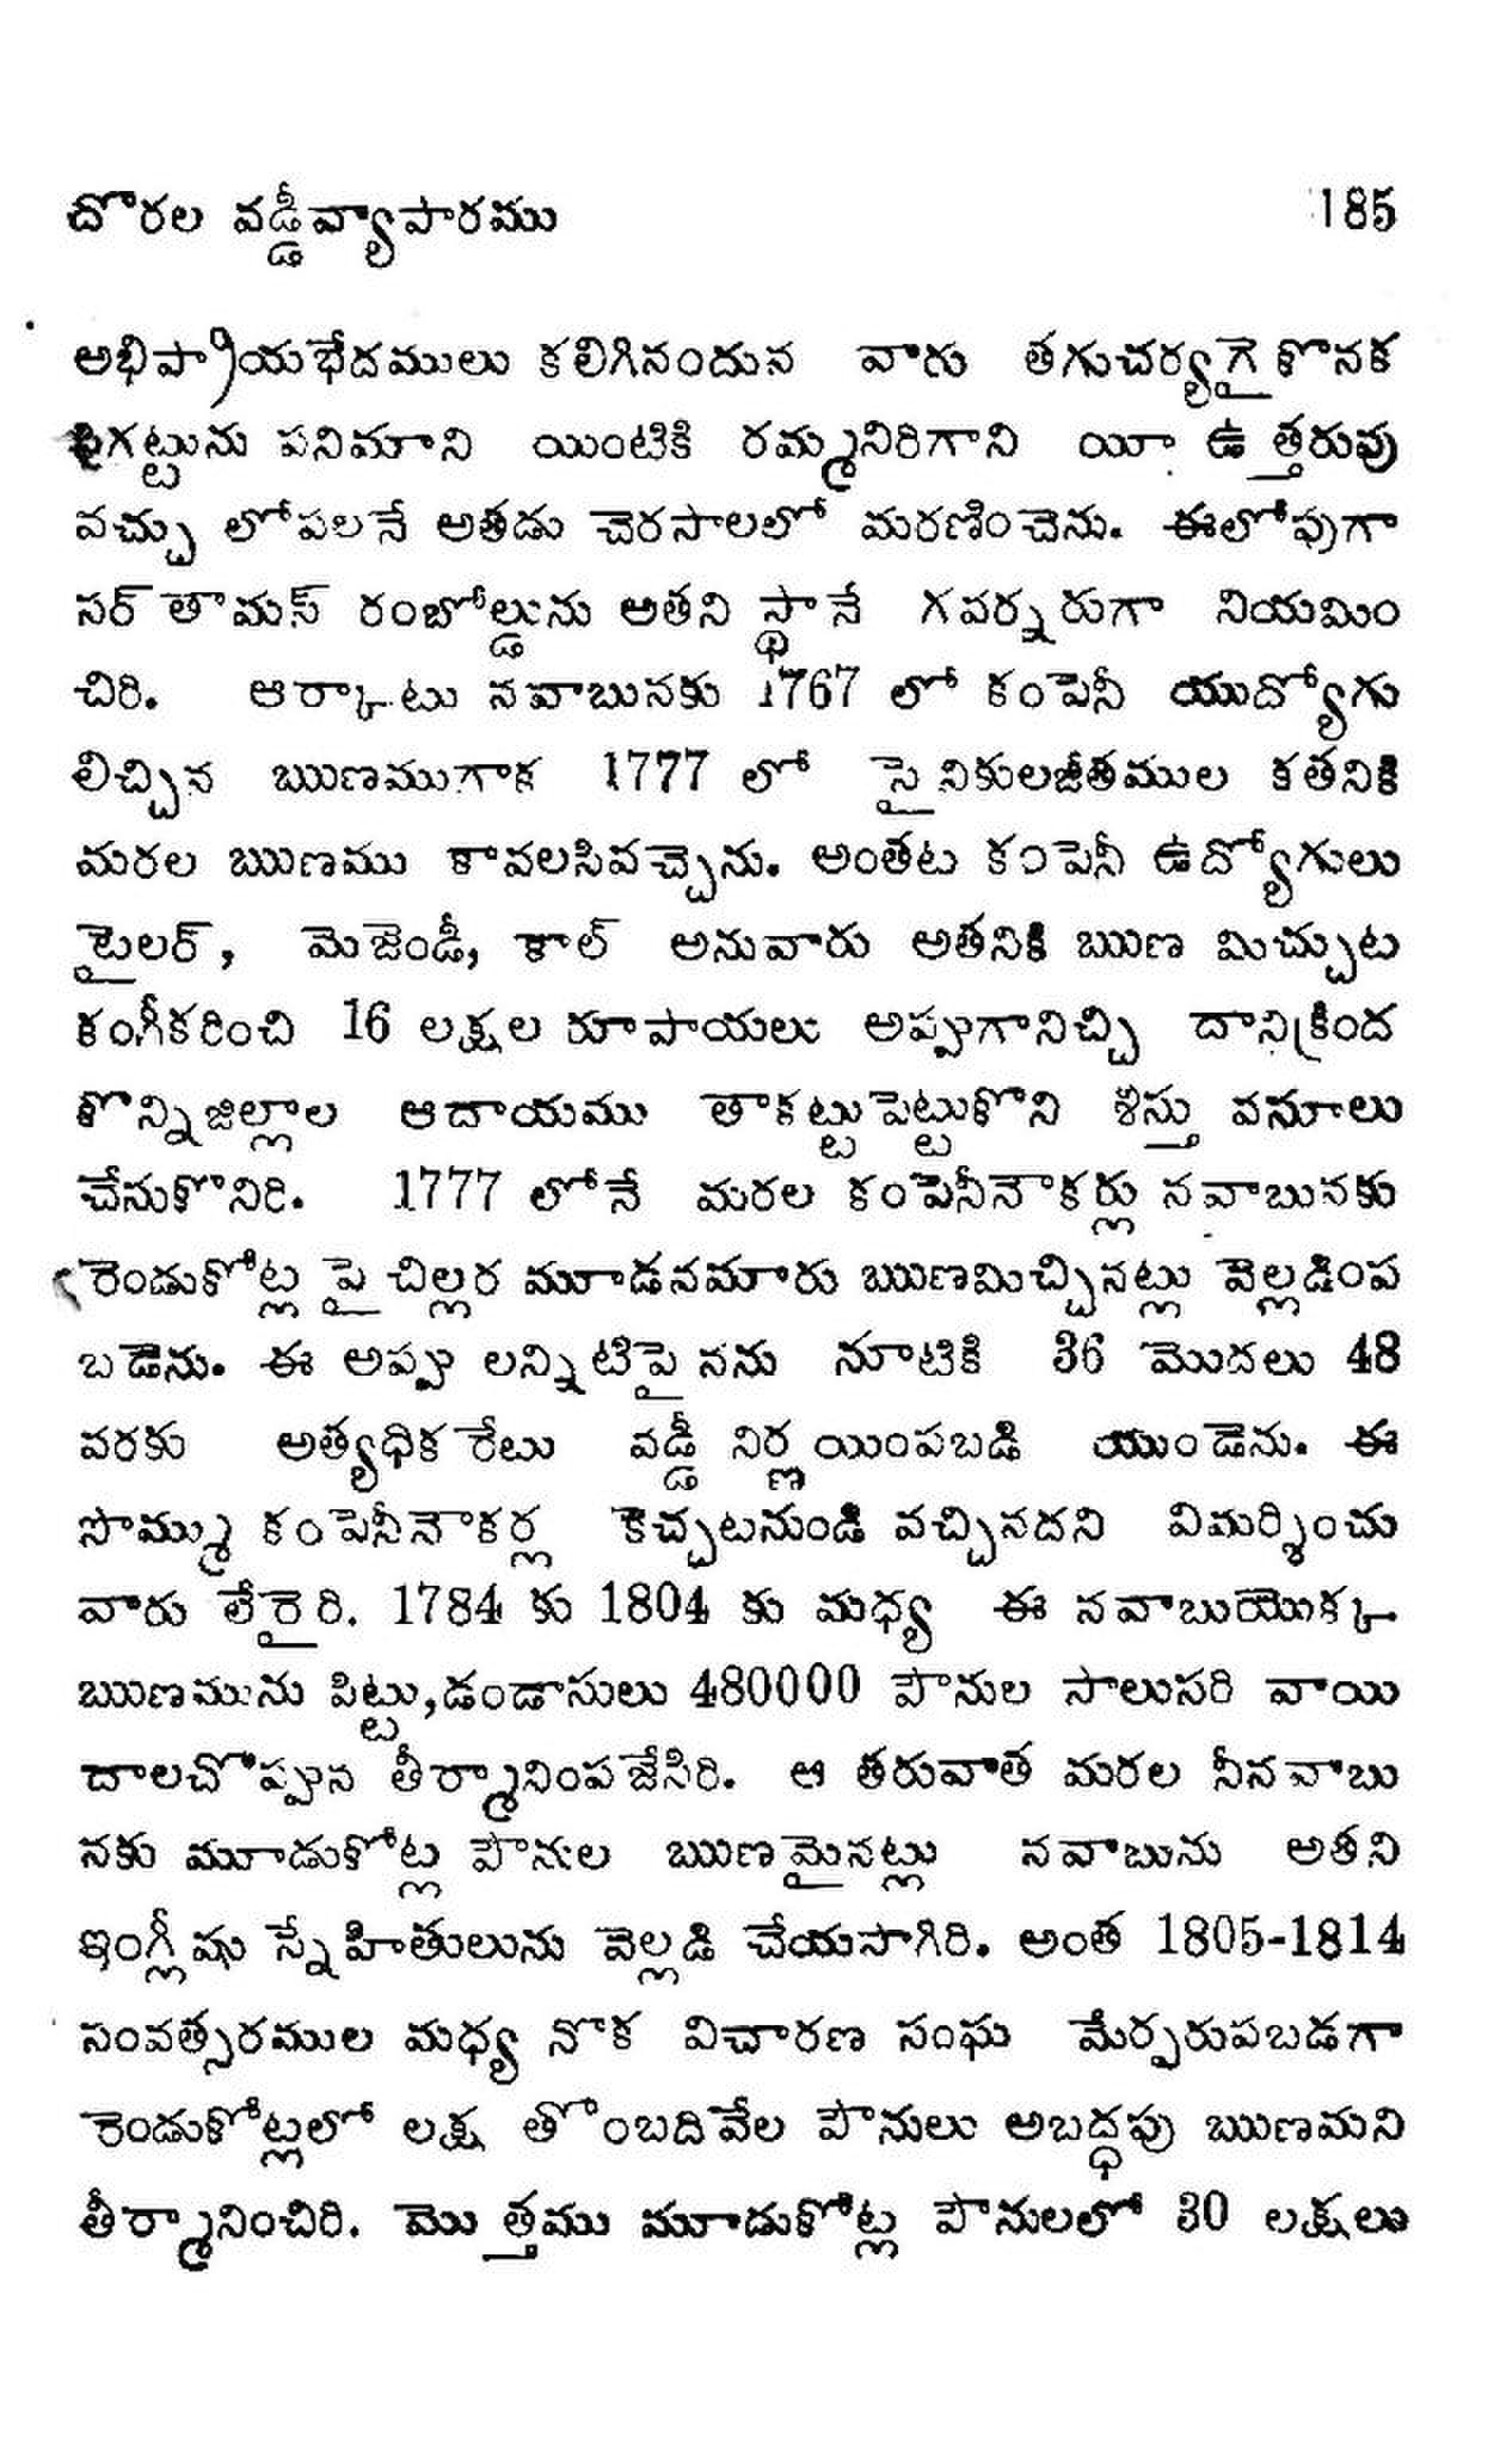అభిప్రాయభేదములు కలిగినందున వారు తగుచర్యగైకొనక ఫిగట్టును పనిమాని యింటికి రమ్మనిరిగాని యీ ఉత్తరువు వచ్చు లోపలనే అతడు చెరసాలలో మరణించెను. ఈలోపుగా సర్ తామస్ రంబోల్డును అతని స్థానే గవర్నరుగా నియమించిరి. ఆర్కాటు నవాబునకు 1767 లో కంపెనీ యుద్యోగులిచ్చిన ఋణముగాక 1777 లో సైనికులజీతముల కతనికి మరల ఋణము కావలసివచ్చెను. అంతట కంపెనీ ఉద్యోగులు టైలర్, మెజెండీ, కాల్ అనువారు అతనికి ఋణ మిచ్చుట కంగీకరించి 16 లక్షల రూపాయలు అప్పుగానిచ్చి దానిక్రింద కొన్నిజిల్లాల ఆదాయము తాకట్టుపెట్టుకొని శిస్తు వసూలు చేసుకొనిరి. 1777 లోనే మరల కంపెనీనౌకర్లు నవాబునకు రెండుకోట్ల పై చిల్లర మూడవమారు ఋణమిచ్చినట్లు వెల్లడింపబడెను. ఈ అప్పు లన్నిటిపైనను నూటికి 36 మొదలు 48 వరకు అత్యధిక రేటు వడ్డీ నిర్ణయింపబడి యుండెను. ఈ సొమ్ము కంపెనీనౌకర్ల కెచ్చటనుండి వచ్చినదని విమర్శించు వారు లేరైరి. 1784 కు 1804 కు మధ్య ఈ నవాబుయొక్క ఋణమును పిట్టు, డండాసులు 480000 పౌనుల సాలుసరి వాయిదాలచొప్పున తీర్మానింపజేసిరి. ఆ తరువాత మరల నీనవాబునకు మూడుకోట్ల పౌనుల ఋణమైనట్లు నవాబును అతని ఇంగ్లీషు స్నేహితులును వెల్లడి చేయసాగిరి. అంత 1805-1814 సంవత్సరముల మధ్య నొక విచారణ సంఘ మేర్పరుపబడగా రెండుకోట్లలో లక్ష తొంబది వేల పౌనులు అబద్దపు ఋణమని తీర్మానించిరి. మొత్తము మూడుకోట్ల పౌనులలో 30 లక్షలు